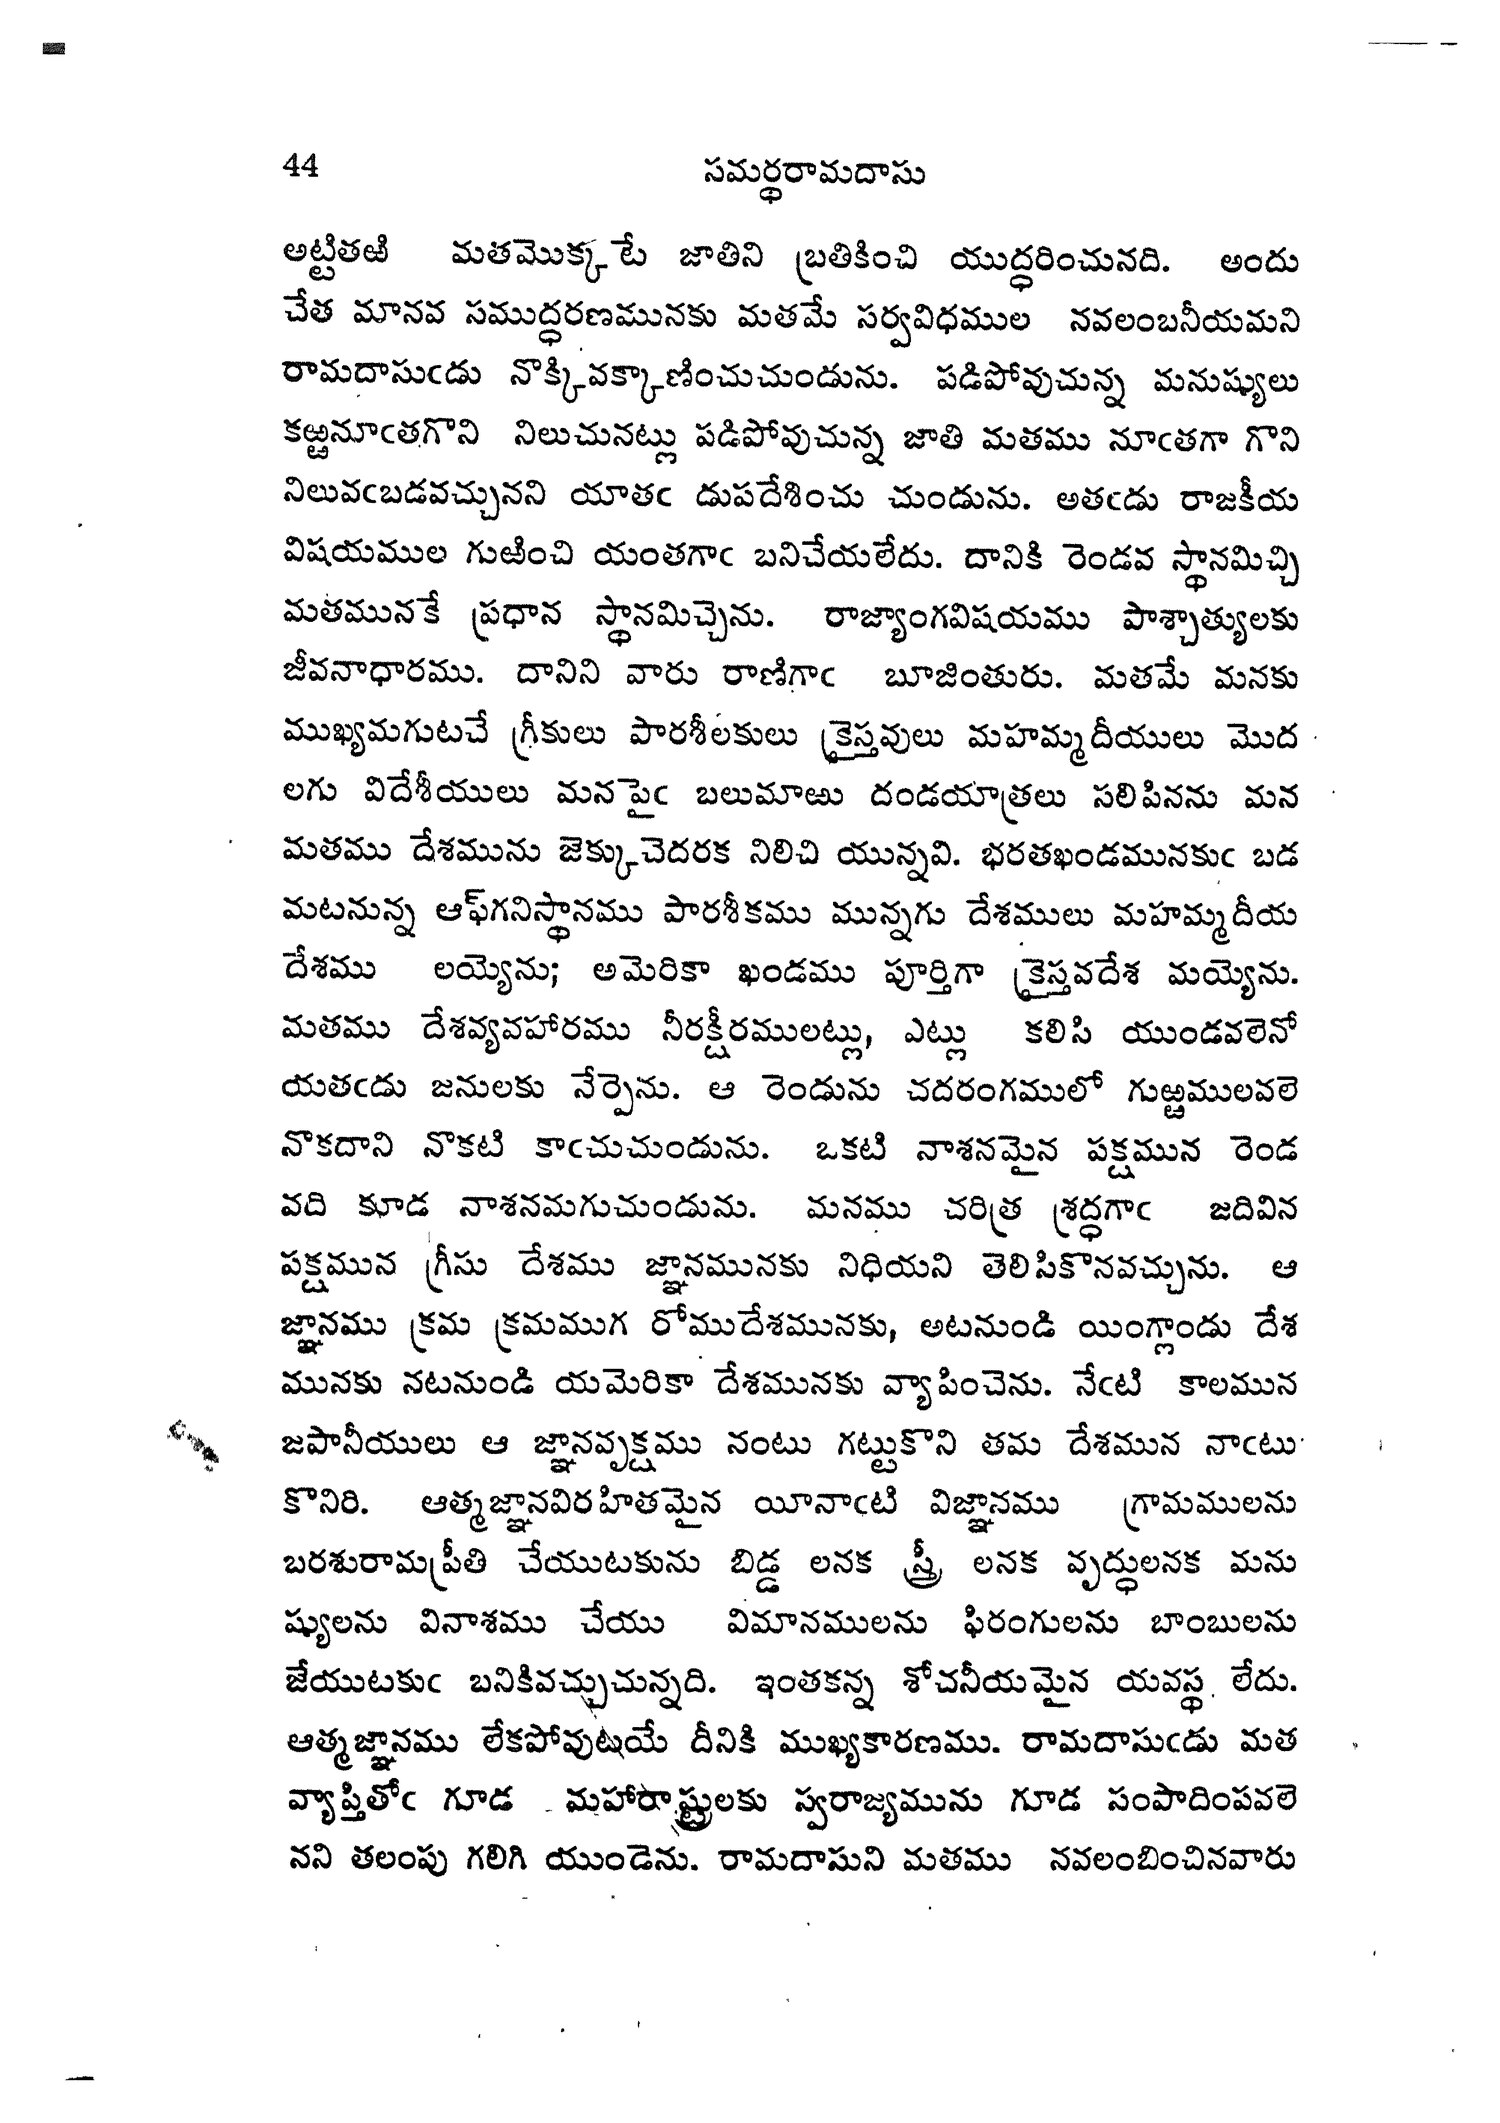అట్టితఱి మతమొక్కటే జాతిని బ్రతికించి యుద్ధరించునది. అందుచేత మానవ సముద్ధరణమునకు మతమే సర్వవిధముల నవలంబనీయమని రామదాసుడు నొక్కివక్కాణించుచుండును. పడిపోవుచున్న మనుష్యులు కఱ్ఱనూతగొని నిలుచునట్లు పడిపోవుచున్న జాతి మతము నూతగా గొని నిలువబడవచ్చునని యాత డుపదేశించు చుండును. అతడు రాజకీయ విషయముల గుఱించి యంతగా బనిచేయలేదు. దానికి రెండవ స్థానమిచ్చి మతమునకే ప్రధాన స్థానమిచ్చెను. రాజ్యాంగవిషయము పాశ్చాత్యులకు జీవనాధారము. దానిని వారు రాణిగా బూజింతురు. మతమే మనకు ముఖ్యమగుటచే గ్రీకులు పారశీలకులు క్రైస్తవులు మహమ్మదీయులు మొదలగు విదేశీయులు మనపై బలుమాఱు దండయాత్రలు సలిపినను మనమతము దేశమును జెక్కుచెదరక నిలిచి యున్నవి. భరతఖండమునకు బడమటనున్న ఆఫ్‌గనిస్థానము పారశీకము మున్నగు దేశములు మహమ్మదీయ దేశము లయ్యెను; అమెరికా ఖండము పూర్తిగా క్రైస్తవదేశ మయ్యెను. మతము దేశవ్యవహారము నీరక్షీరములట్లు, ఎట్లు కలిసి యుండవలెనో యతడు జనులకు నేర్పెను. ఆ రెండును చదరంగములో గుఱ్ఱములవలె నొకదాని నొకటి కాచుచుండును. ఒకటి నాశనమైన పక్షమున రెండవది కూడ నాశనమగును. మనము చరిత్ర శ్రద్ధగా జదివిన పక్షమున గ్రీసు దేశము జ్ఞానమునకు నిధియని తెలిసికొనవచ్చును. ఆ జ్ఞానము క్రమ క్రమముగ రోముదేశమునకు, అటనుండి యింగ్లాండు దేశమునకు నటనుండి యమెరికా దేశమునకు వ్యాపించెను. నేటి కాలమున జపానీయులు ఆ జ్ఞానవృక్షము నంటు గట్టుకొని తమ దేశమున నాటు కొనిరి. ఆత్మజ్ఞానవిరహితమైన యీనాటి విజ్ఞానము గ్రామములను బరశురామప్రీతి చేయుటకును బిడ్డ లనక స్త్రీ లనక వృద్ధులనక మనిష్యులను వినాశము చేయు విమానములను ఫిరంగులను బాంబులను జేయుటకు బనికివచ్చుచున్నది. ఇంతకన్న శోచనీయమైన యవస్థ లేదు. ఆత్మజ్ఞానము లేకపోవుటయే దీనికి ముఖ్యకారణము. రామదాసుడు మతవ్యాప్తితో గూడ మహారాష్ట్రులకు స్వరాజ్యమును గూడ సంపాదింపవలెనని తలంపు గలిగి యుండెను. రామదాసుని మతము నవలంబించినవారు